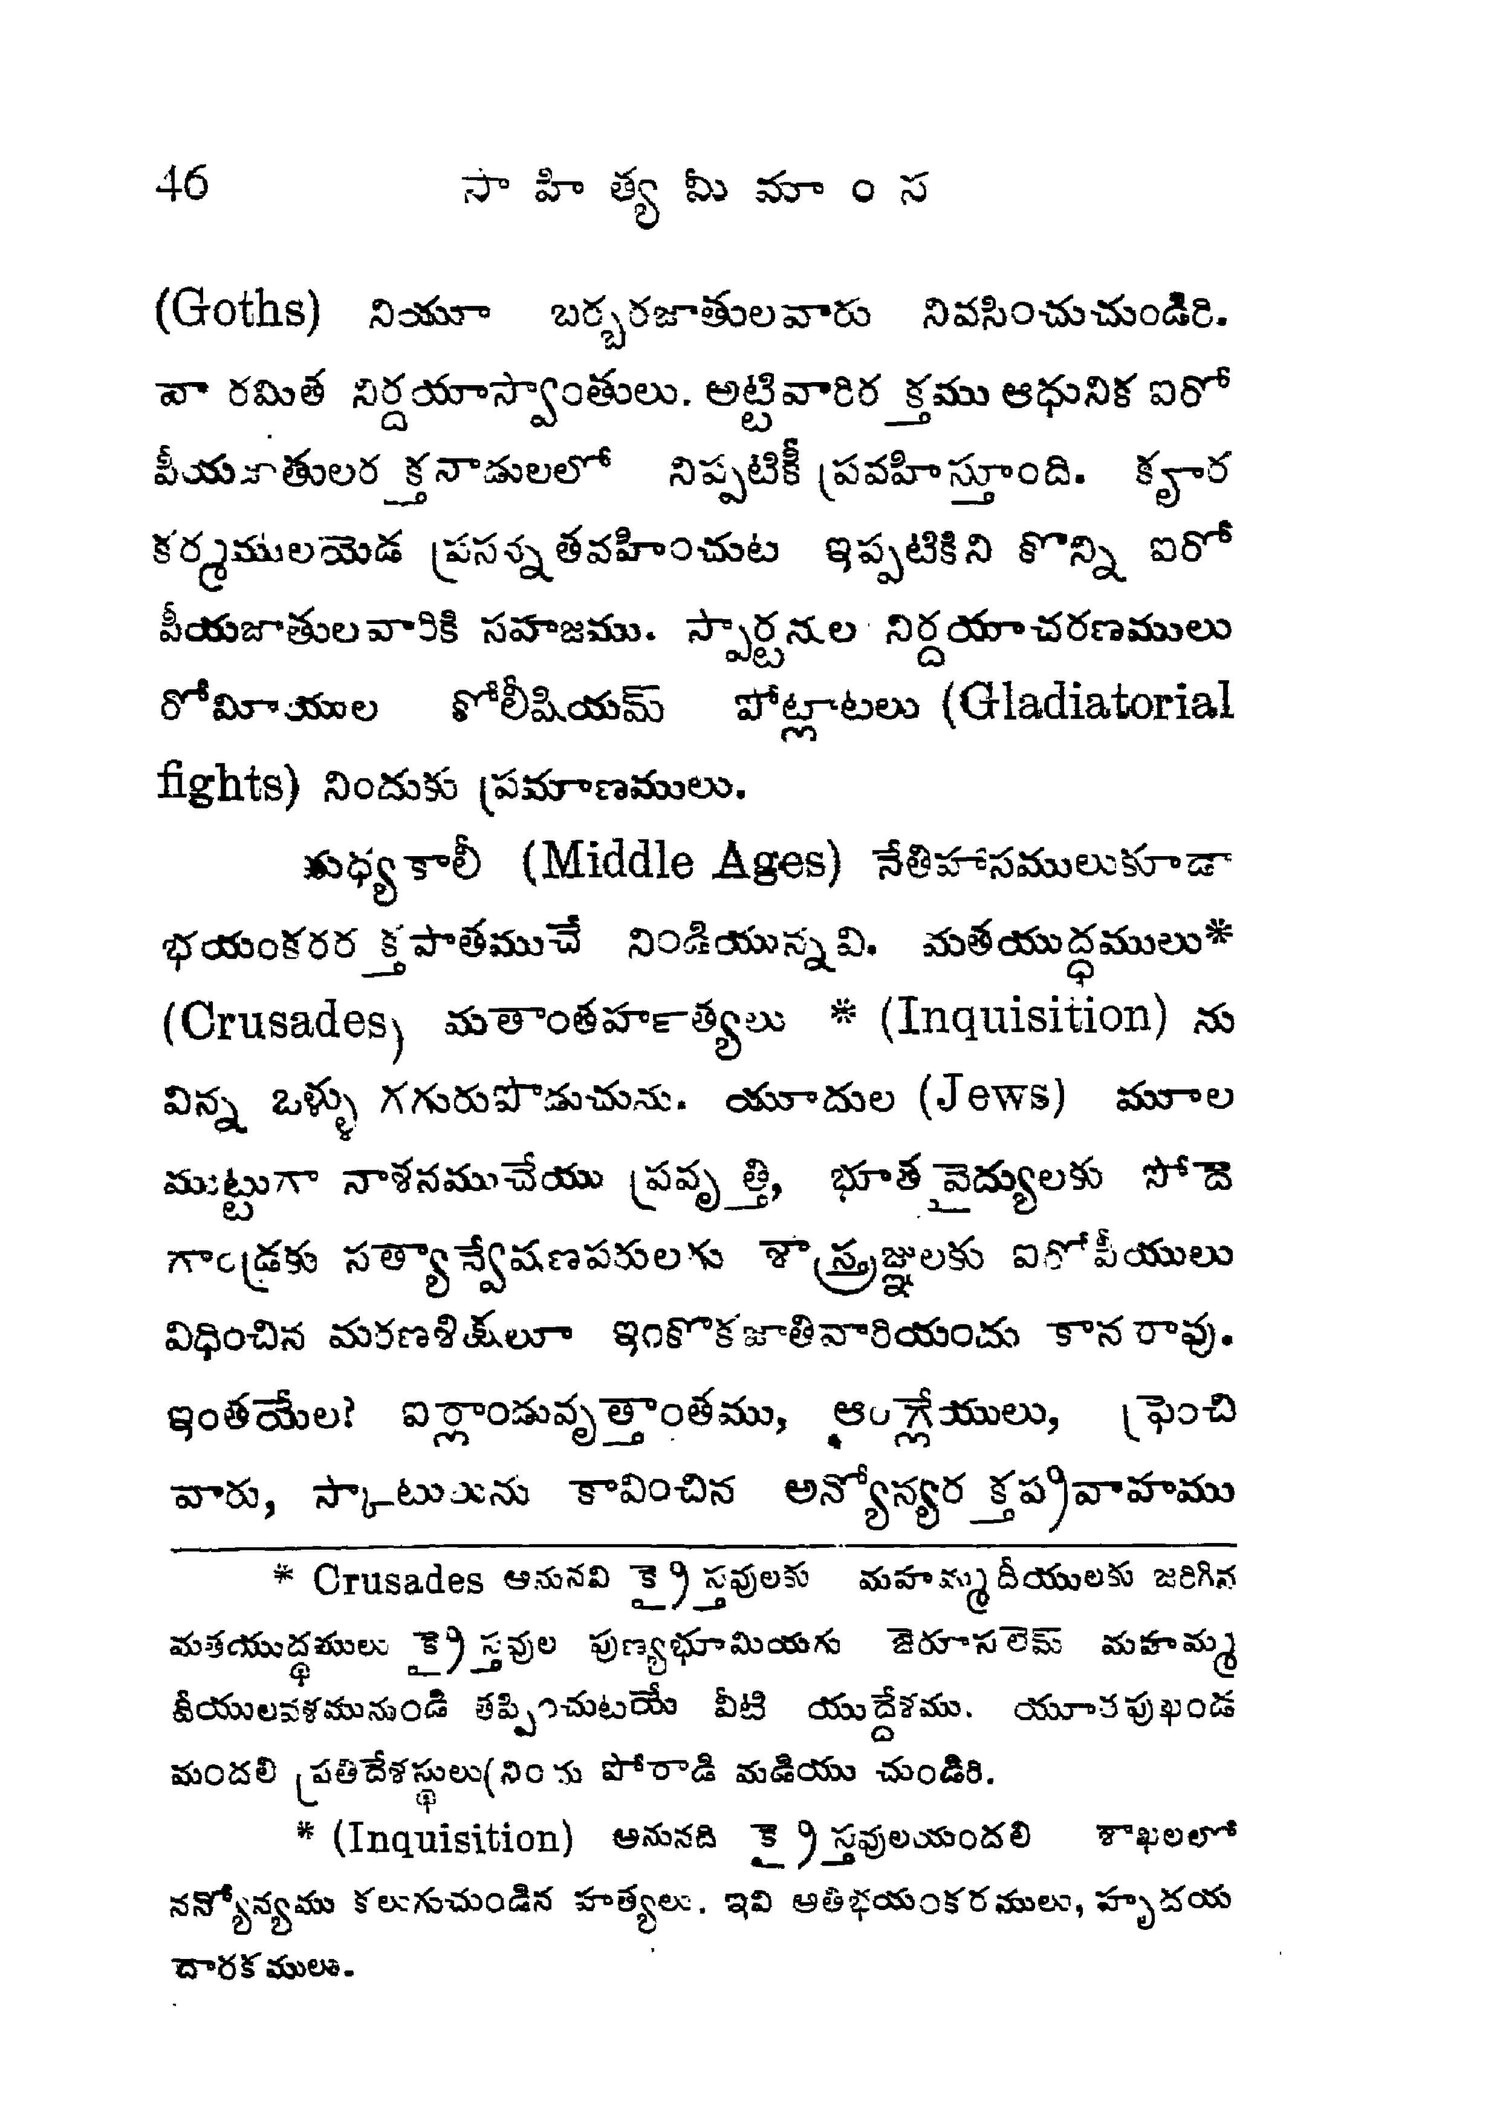(Goths) నియూ బర్బరజాతులవారు నివసించుచుండిరి. వా రమిత నిర్దయాస్వాంతులు. అట్టివారిరక్తము ఆధునిక ఐరోపీయజాతులరక్తనాడులలో నిప్పటికీ ప్రవహిస్తూంది. కౄర కర్మములయెడ ప్రసన్నతవహించుట ఇప్పటికిని కొన్ని ఐరోపీయజాతులవారికి సహజము. స్పార్టనుల నిర్దయాచరణములు రోమీయుల కోలీషియమ్ పోట్లాటలు (Gladiatorial fights) నిందకు ప్రమాణములు.

మధ్యకాలీ (Middle Ages) నేతిహాసములుకూడా భయంకరరక్తపాతముచే నిండియున్నవి. మతయుద్ధములు* (Crusades) మతాంతహన్‌త్యలు † (Inquisition) ను విన్న ఒళ్ళు గగురుపొడుచును. యూదుల (Jews) మూల ముట్టుగా నాశనముచేయు ప్రవృత్తి, భూతవైద్యులకు సోదె గాండ్రకు సత్యాన్వేషణపరులగు శాస్తజ్ఞులకు ఐరోపీయులు విధించిన మరణశిక్షలూ ఇంకొకజాతివారియందు కాన రావు. ఇంతయేల? ఐర్లాండువృత్తాంతము, ఆంగ్లేయులు, ఫ్రెంచి వారు, స్కాటులును కావించిన అన్యోన్యరక్తప్రవాహము